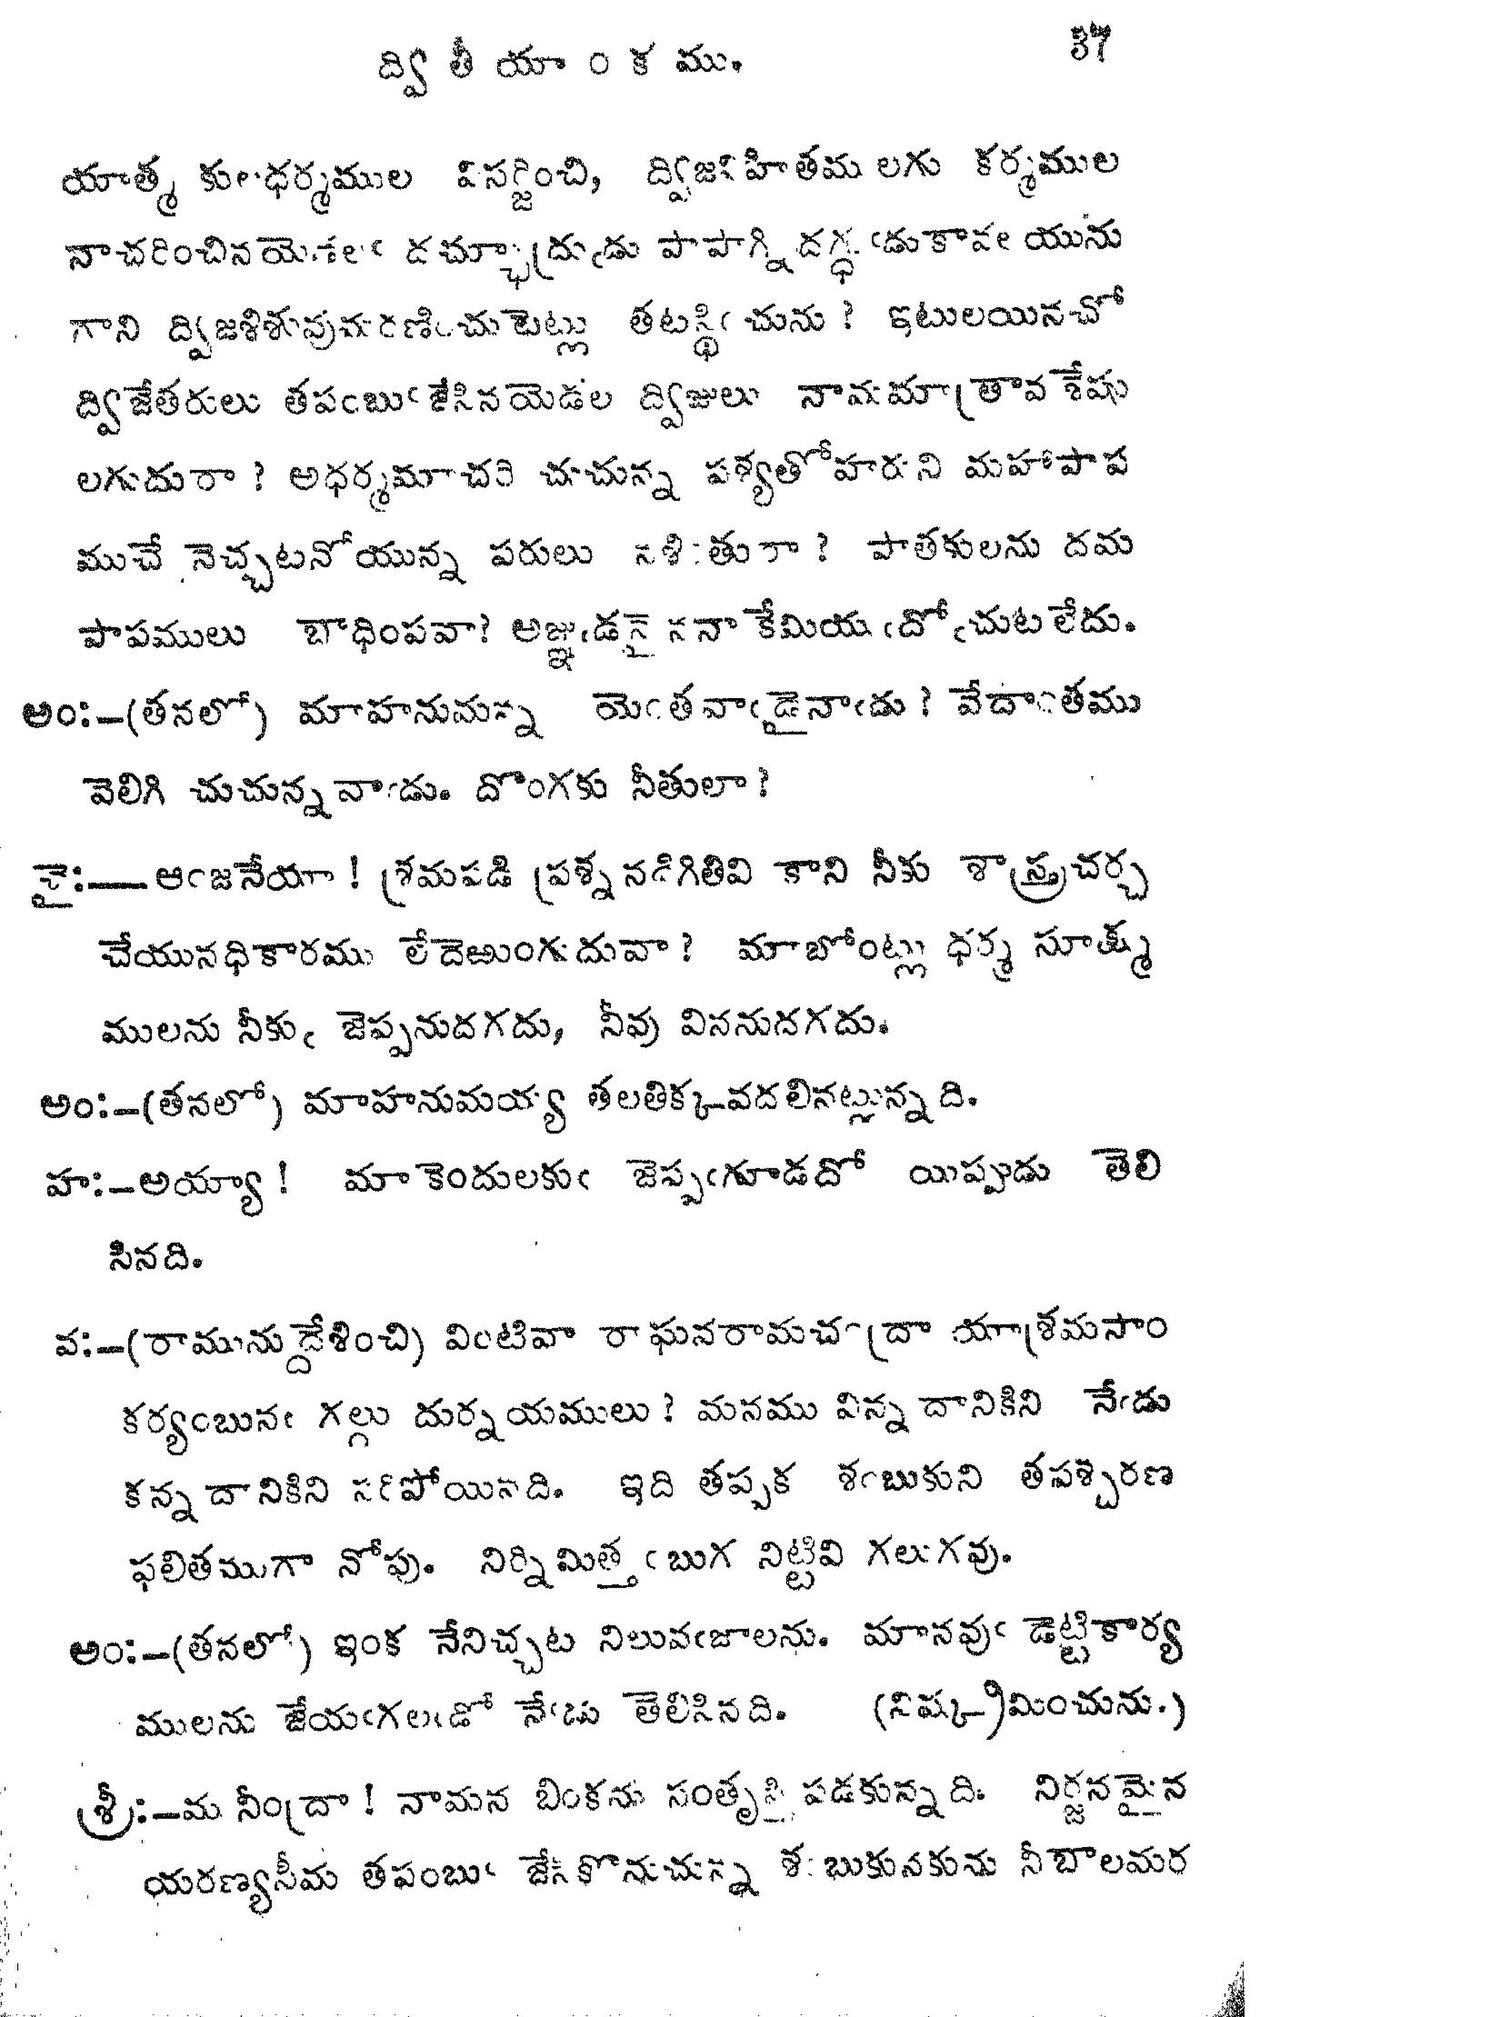యాత్మకు ధర్మముల విసర్జించి, ద్విజ హితములగు కర్మముల
 నాచరించిన యెడల దచ్ఛూద్రుడు పాపగ్ని దగ్ధడు కావలయును
 గాని ద్విజ శిశువు మరణించు టెట్లు తటస్థిఁచును ? ఇటులయినచో
 ద్విజేతరులు తపంబుఁ జేసిన యెడల ద్విజులు నామమాత్రావ శేషు
 లగుదురా ! అధర్మమా చరించుచున్న పశ్యతోహరుని మహా పాప
 ముచే నెచ్చటనో యున్న పరులు నశింతురా ? పాతకులను దమ
 పాపములు బాధింపవా! అట్లుండ నైన నాకేమియ దోచుటలేదు.

అం:-(తనలో) మాహనుమన్న యెంతవాఁడైనాఁడు? వేదాంతము
 వెలిగించు చున్న నాఁడు. దొంగకు నీతులా?

చై: ఆంజనేయా ! శ్రమపడి ప్రశ్న నడి గితివి కాని నీకు శాస్త్ర చర్చ
 చేయు నధికారము లేదెఱుంగ దువా! మాబోంట్లు ధర్మ సూక్ష్మమ
 ములను నీకు, జెప్పను దగదు, నీవు వినను దగదు.

అం:-(తనలో) మాహనుమయ్య తలతిక్క వదలి నట్లున్నది.

హ:-అయ్యా ! మాకెందులకుఁ జెప్పఁగూడదో యిప్పుడు తెలి
 సినది.

వ:- (రామును ద్దేశించి) వింటివా రాఘవ రామచద్రా యాశ్రమసాం
 కర్యంబునఁ గల్గు దుర్నయములు ! మనము విన్న దానికిని నేడు
 కన్న దానికిని సరిపోయినది. ఇది తప్పక శంబుకుని తపశ్చరణ
 ఫలితముగా నోపు. నిర్నిమిత్తంబుగ నిట్టివి గలుగవు.

అం:-(తనలో) ఇంక నేనిచ్చట నిలువఁజాలను. మానవుఁడెట్టి కార్య
 ములను జేయఁగలడో నేడు తెలిసినది. (నిష్క్రమించును.)

శ్రీ:- మునీంద్రా ! నామనంబింకను సంతృప్తి పడకున్నది. నిర్జనమైన
 యరణ్యసీమ తపంబు జేసికొనుచున్న శంబుకునకును నీబాలమర